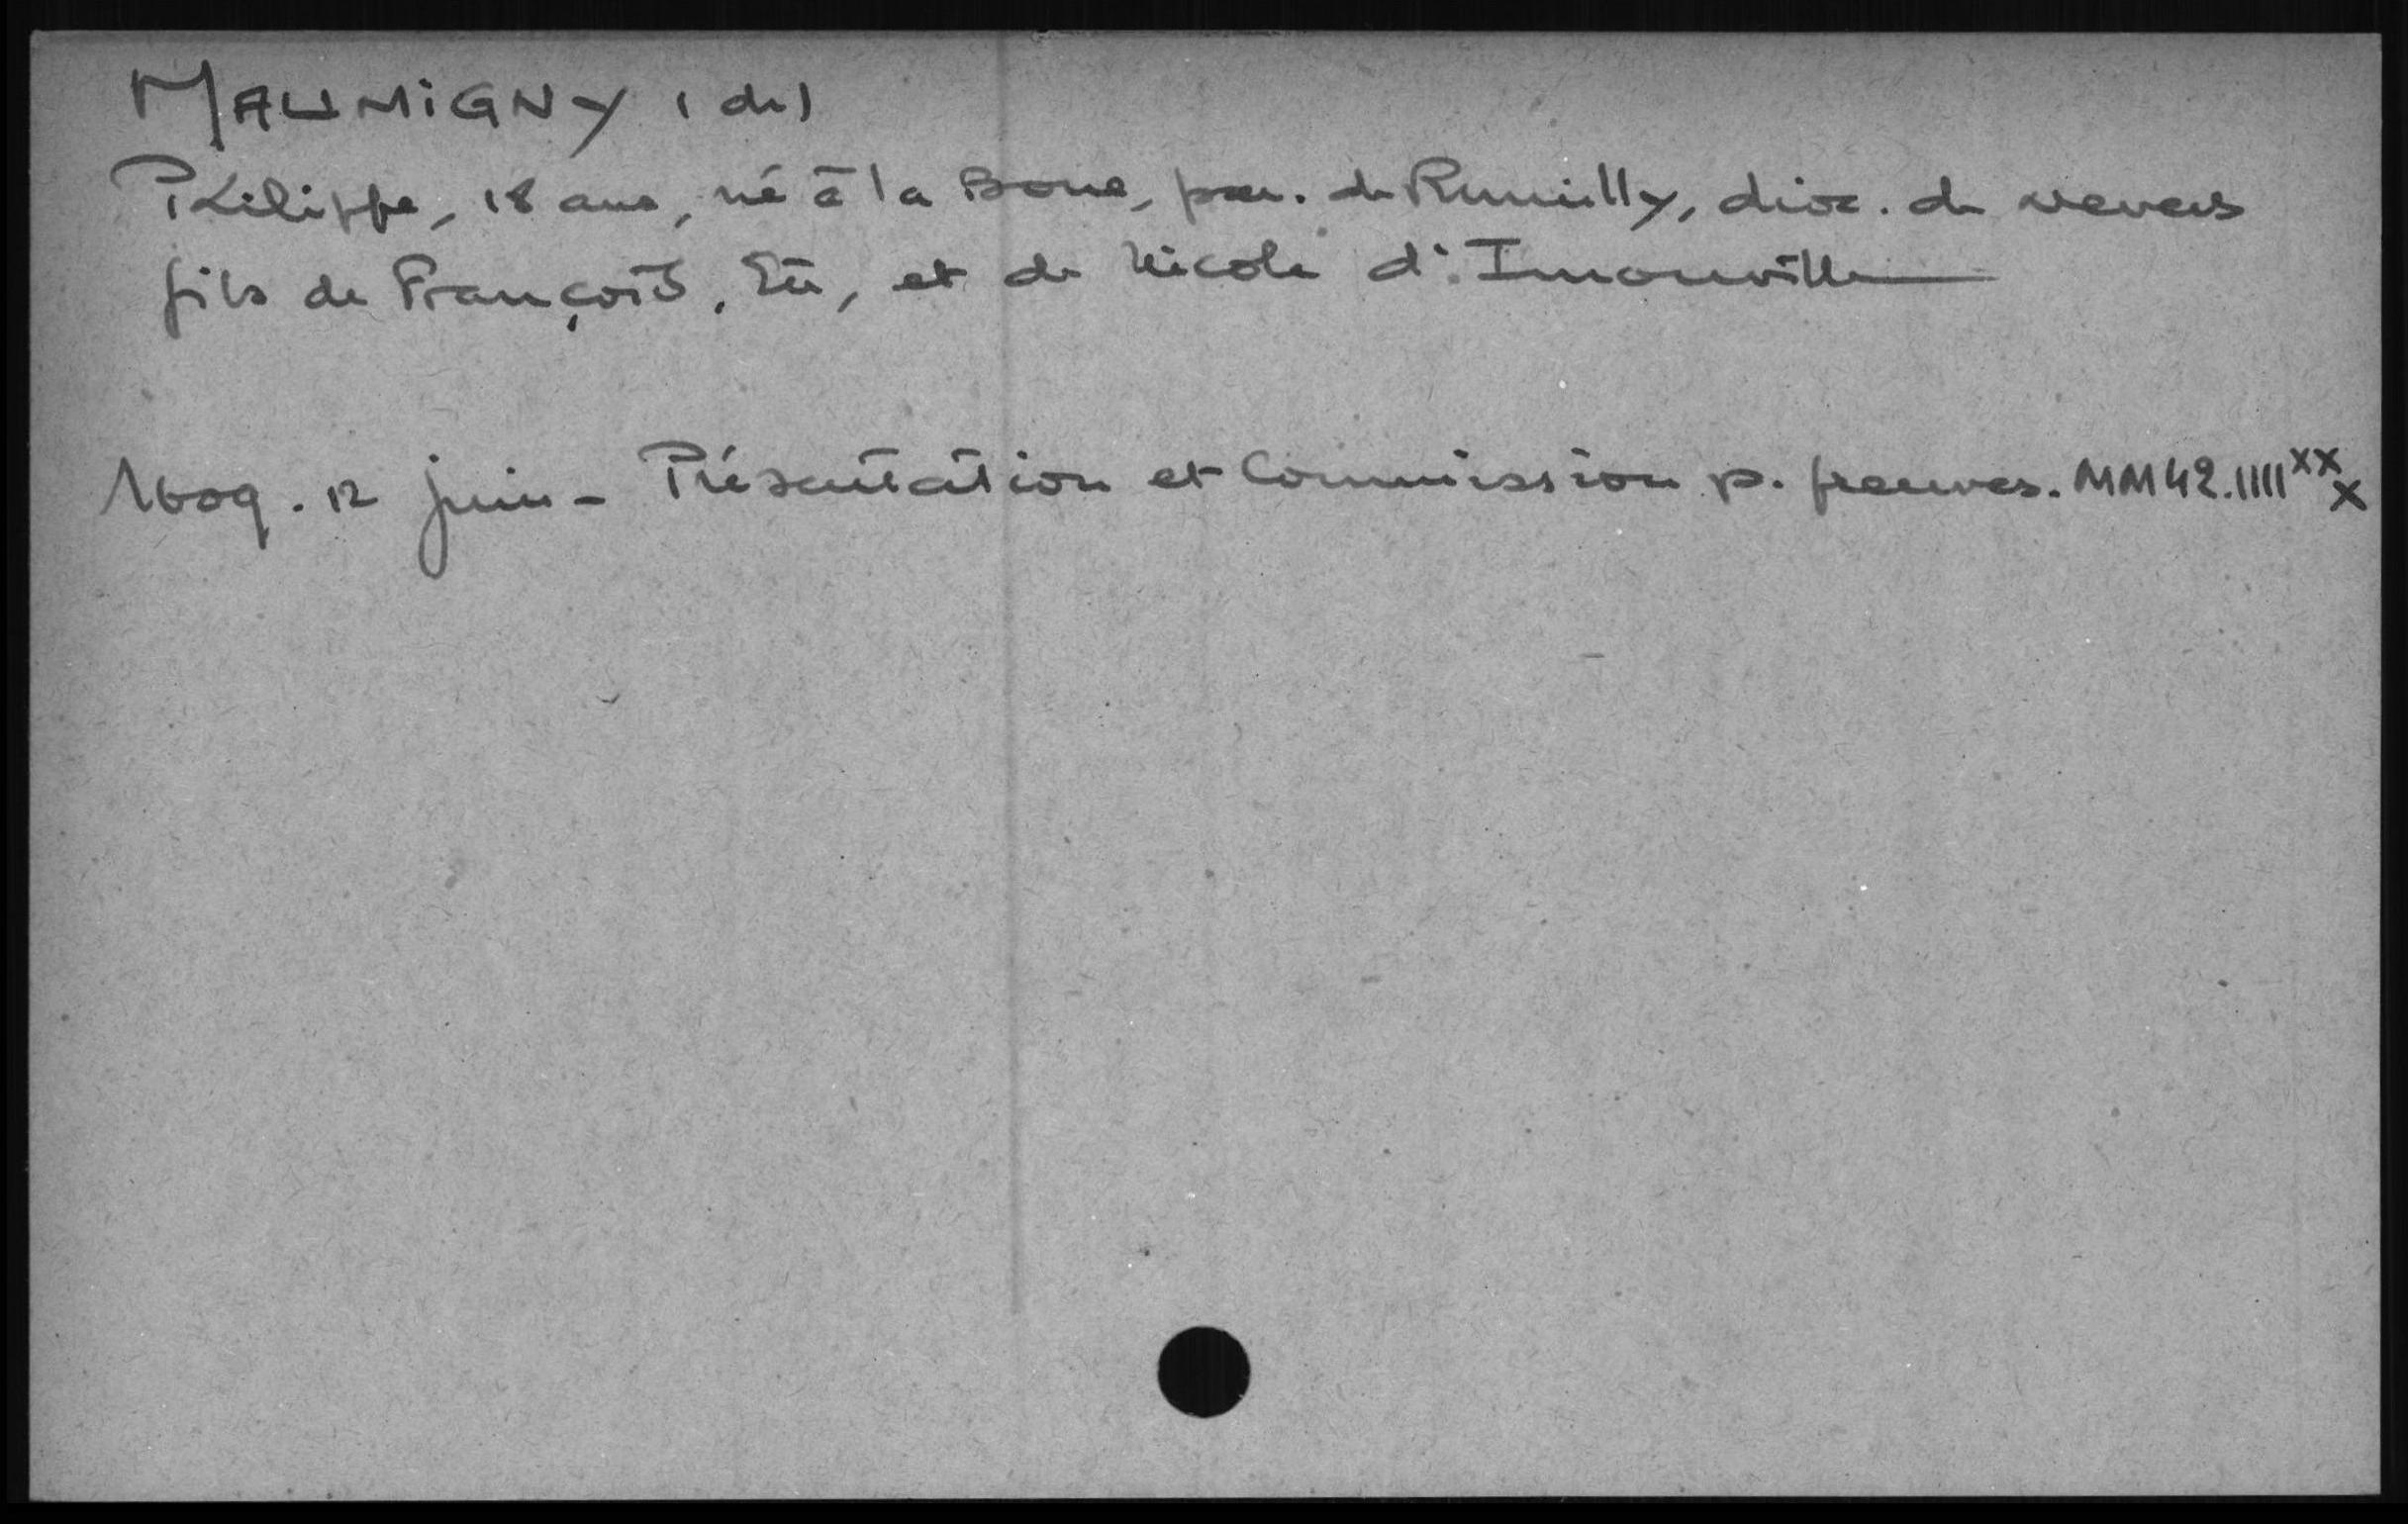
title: MAUMIGNY (de), Philippe, 18 ans, né à la Broue, paroisse de Rumilly, diocèse de Nevers, fils de François, écuyer, et de Nicole d'Imonville
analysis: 1609, 12 juin. Présentation et commission pour preuves. MM 42, IIIIxx X
